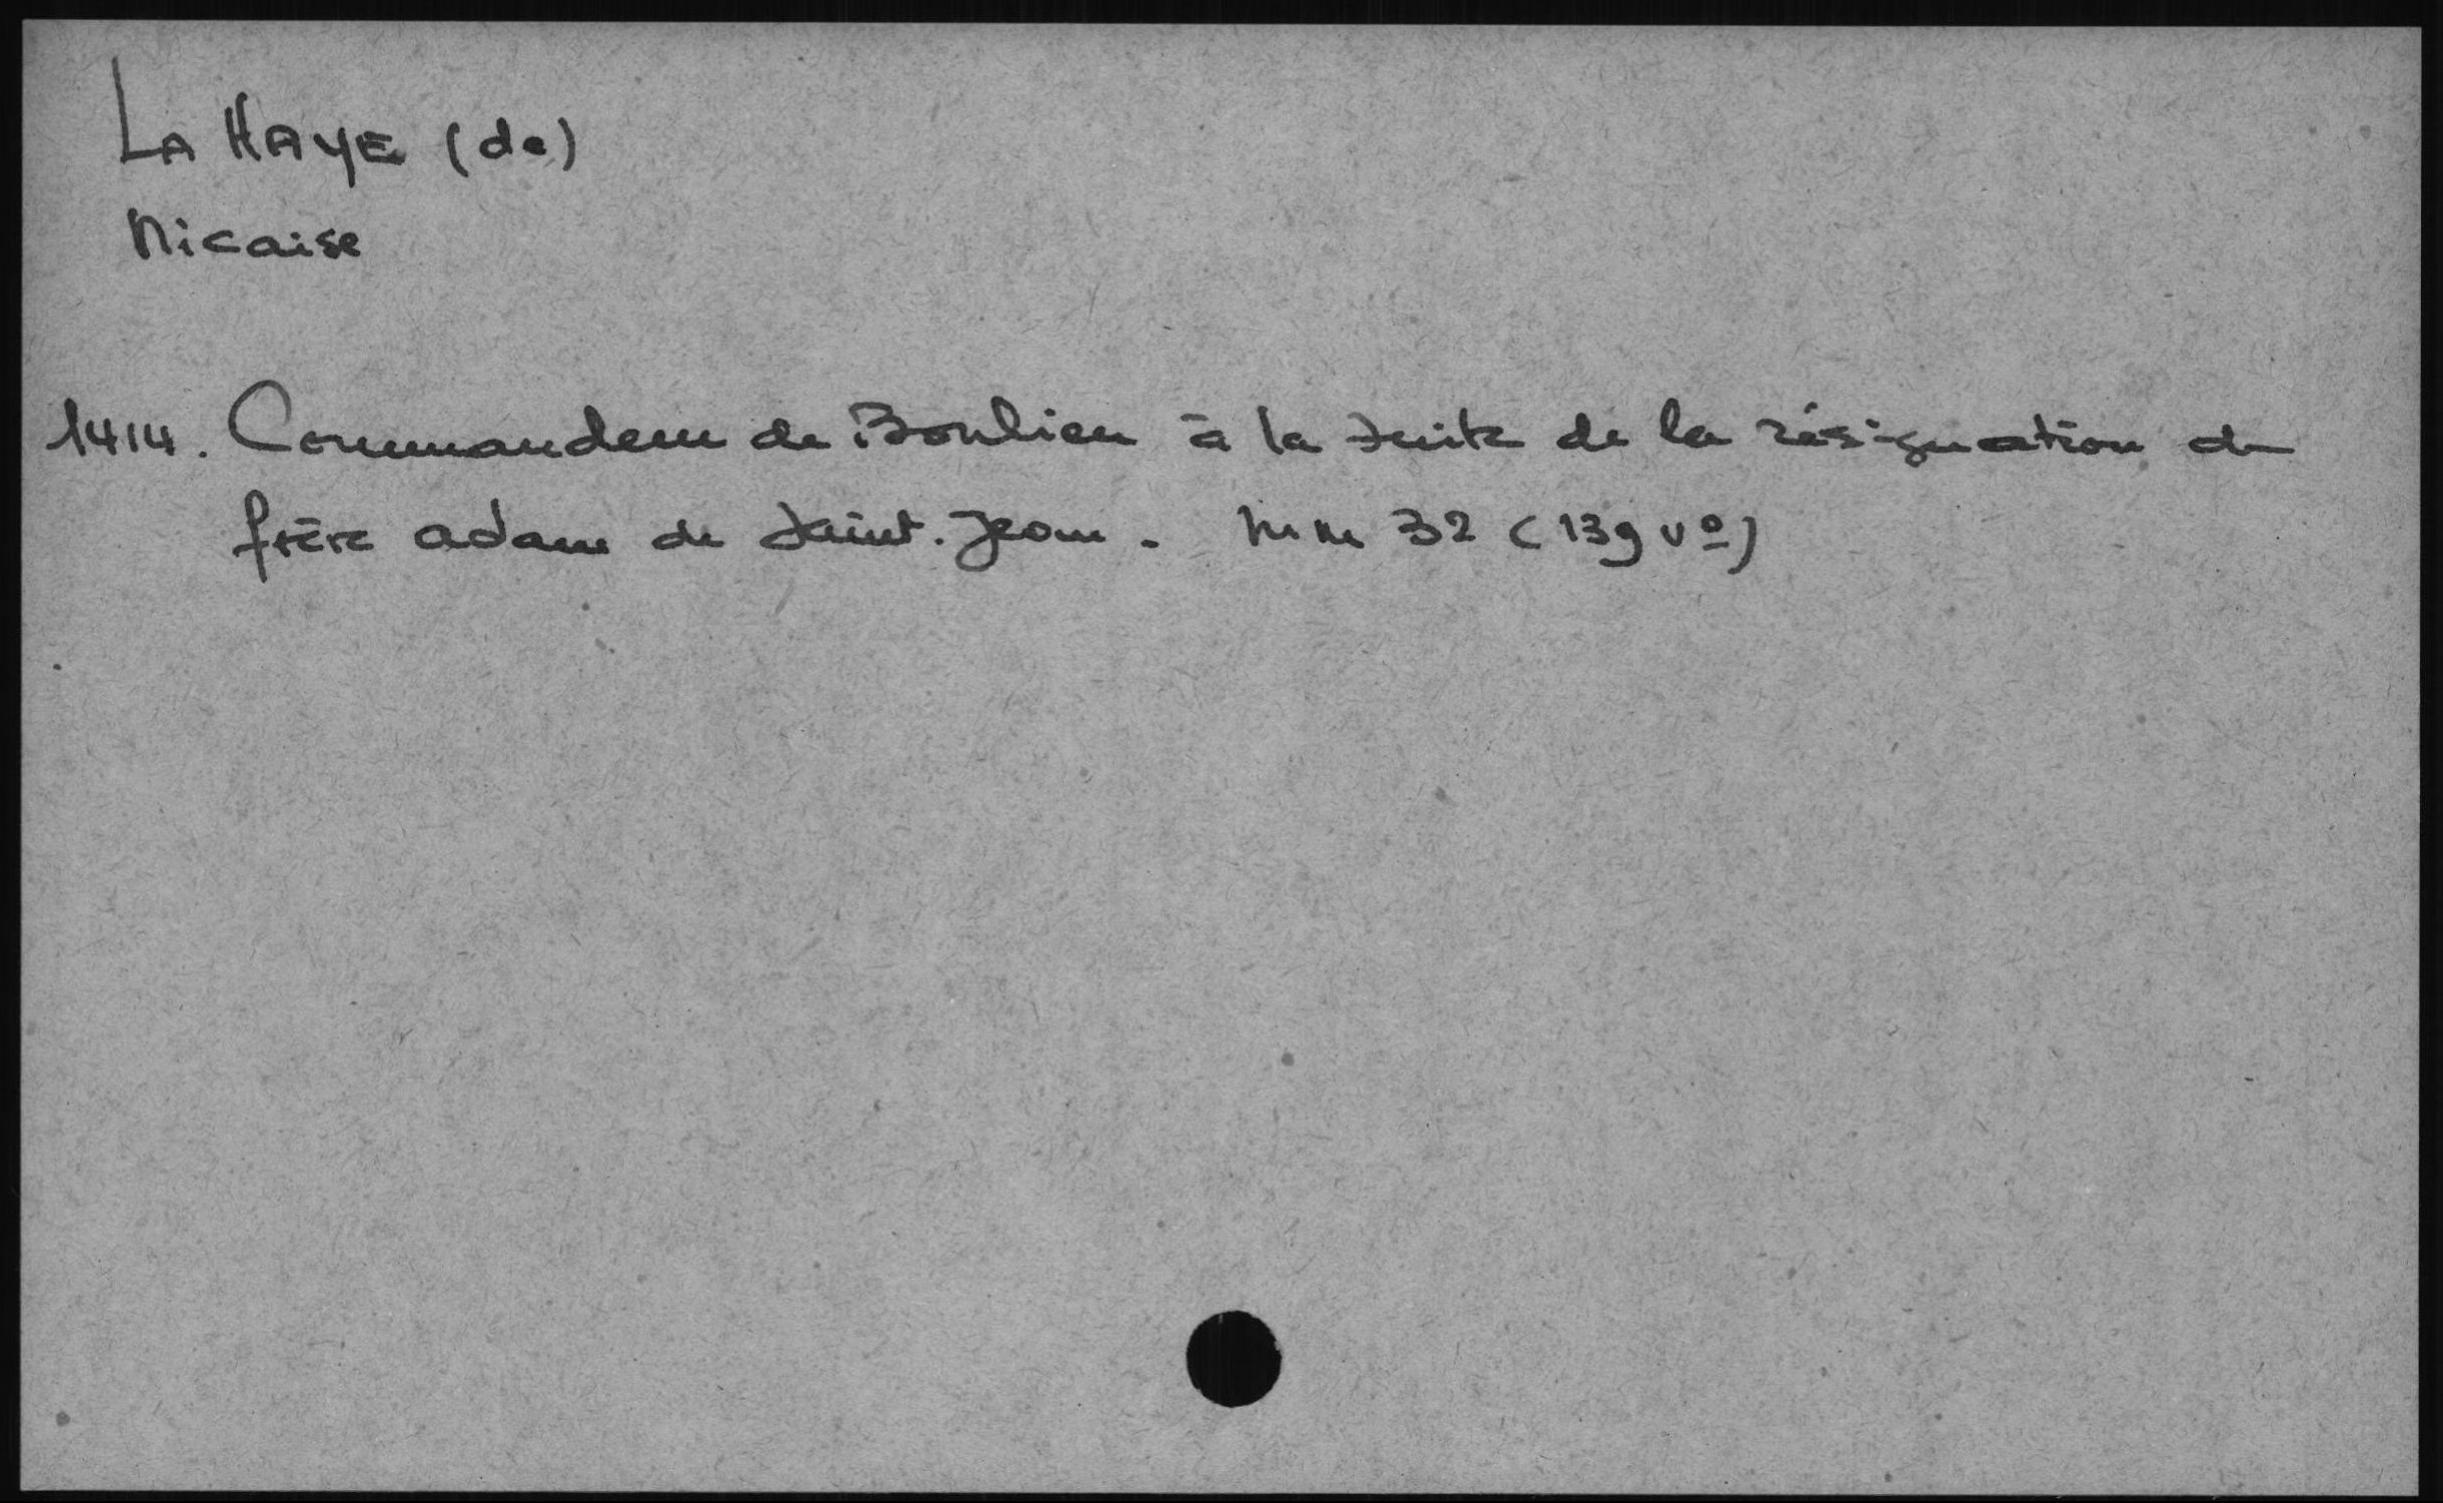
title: LA HAYE (de) Nicaise
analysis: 1414. Commandeur de Bonlieu à la suite de la résignation de frère Adam de Saint-Jean. MM 32 (139v)
